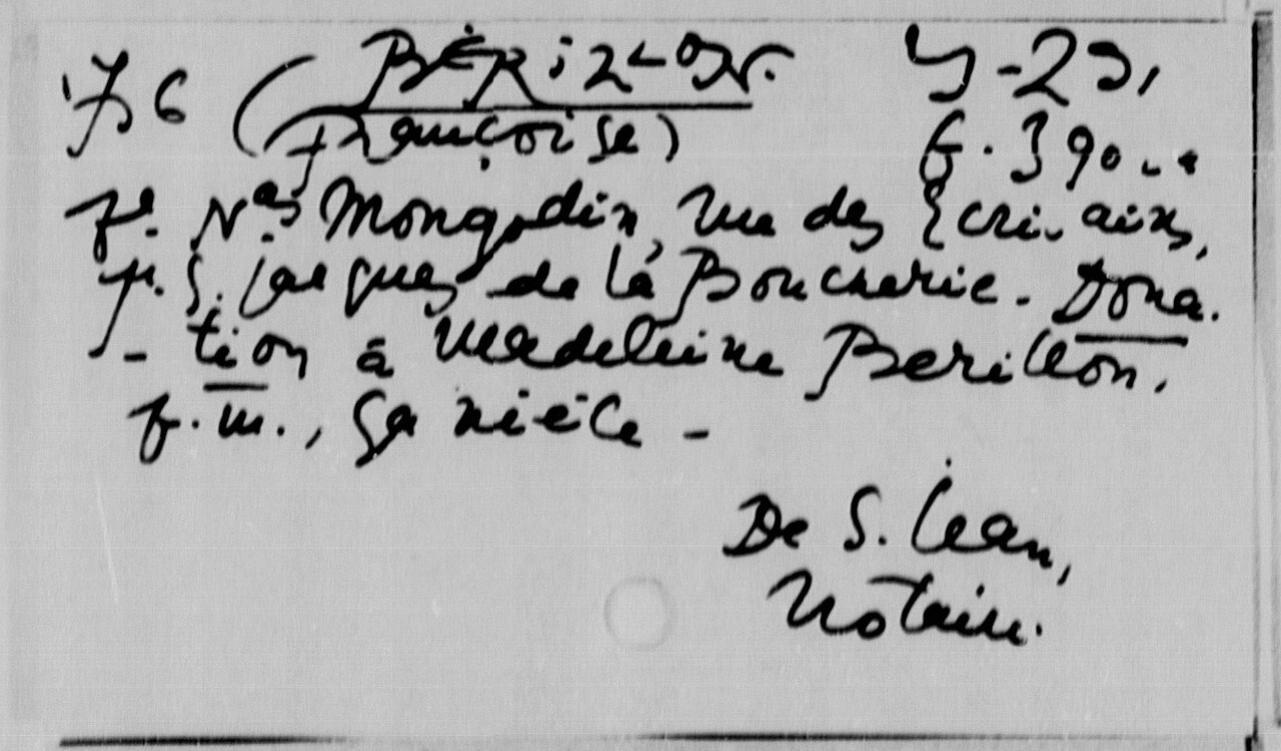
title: BÉRILLON (Françoise)
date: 1706
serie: Y
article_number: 291
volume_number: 390v
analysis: Femme Nicolas Mongodin, rue des Écrivains, paroisse Saint-Jacques de la Boucherie. Donation à Madeleine Bérillon, fille majeure, sa nièce. De Saint-Jean, notaire.
